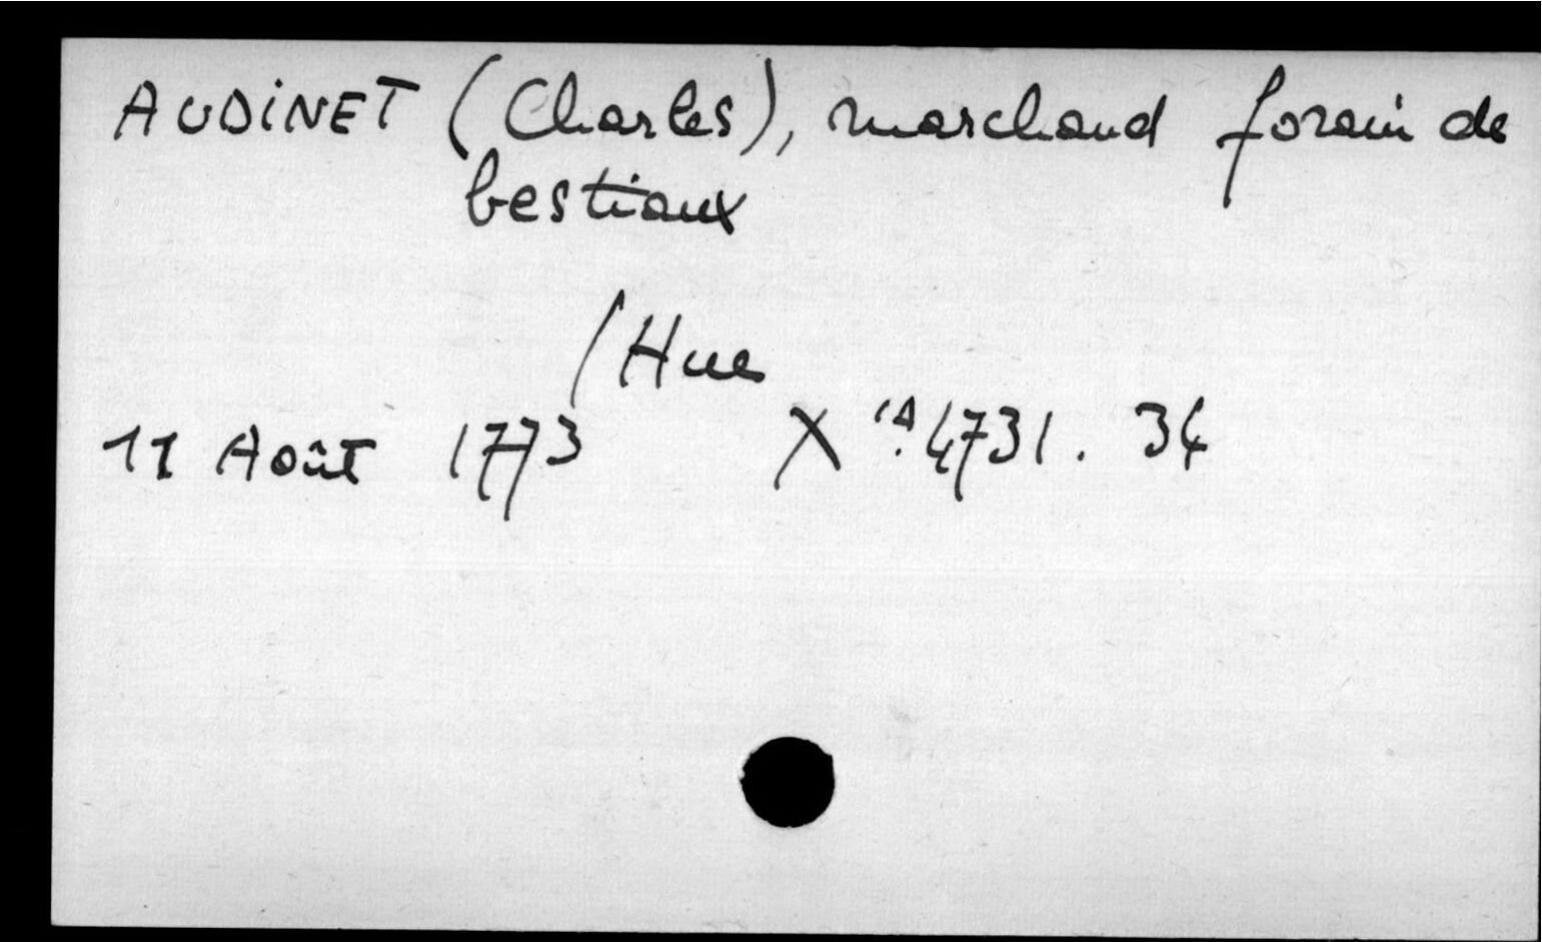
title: AUDINET (Charles), marchand forain de bestiaux
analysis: Contre Hue
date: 11 août 1773
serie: X1A
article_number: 4731
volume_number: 34
